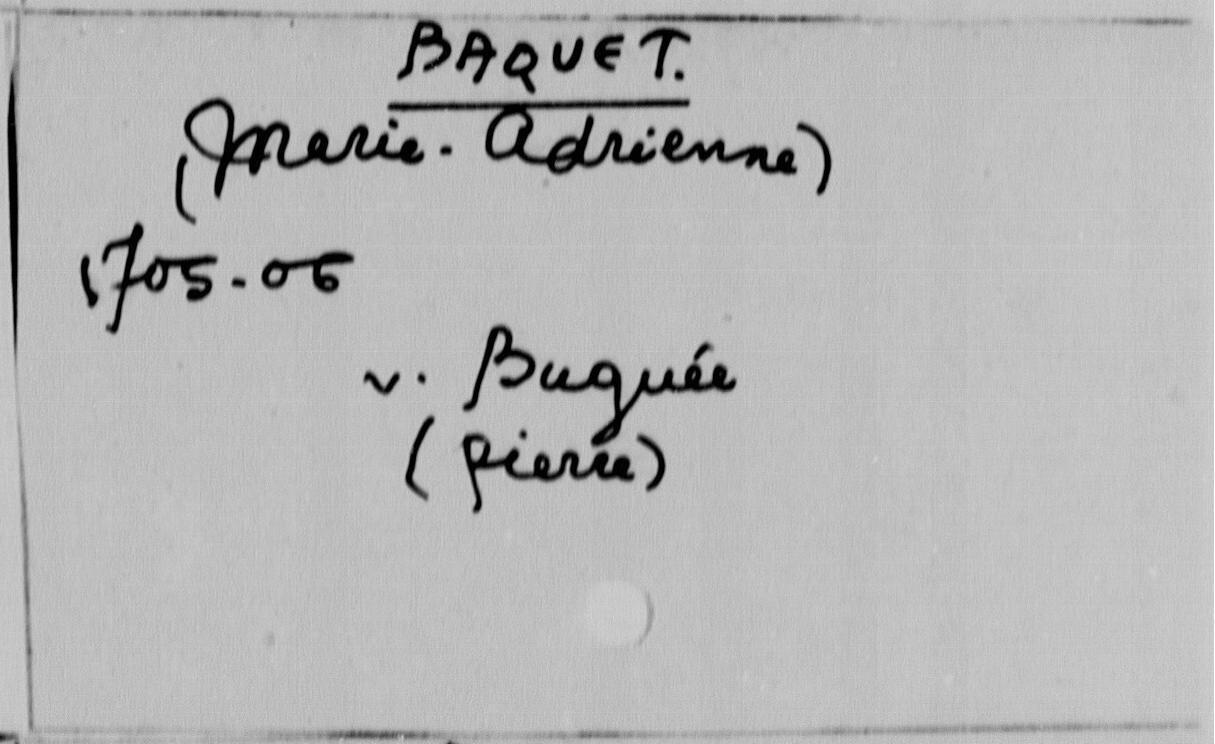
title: BAQUET (Marie-Adrienne)
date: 1705-1706
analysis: Voir Buguée (Pierre)
